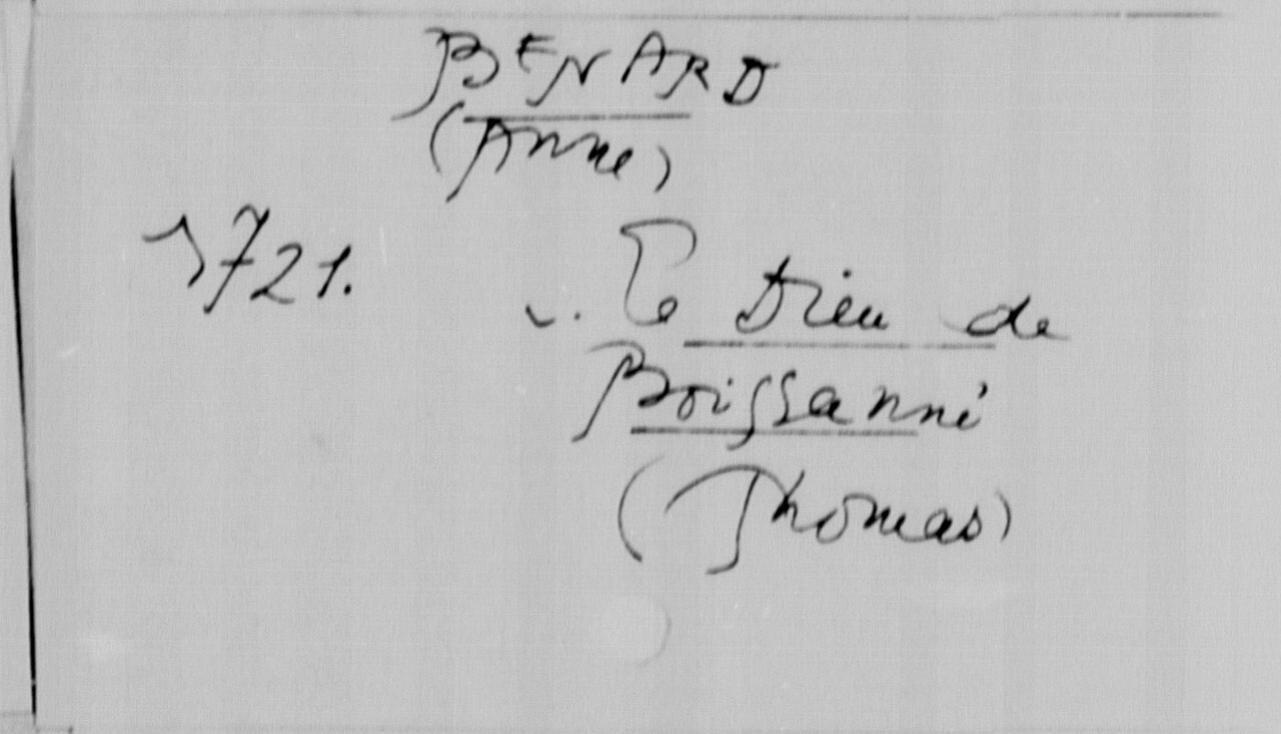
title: BENARD (Anne)
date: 1721
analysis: Voir Le Dreu de Boissanné (Thomas)
